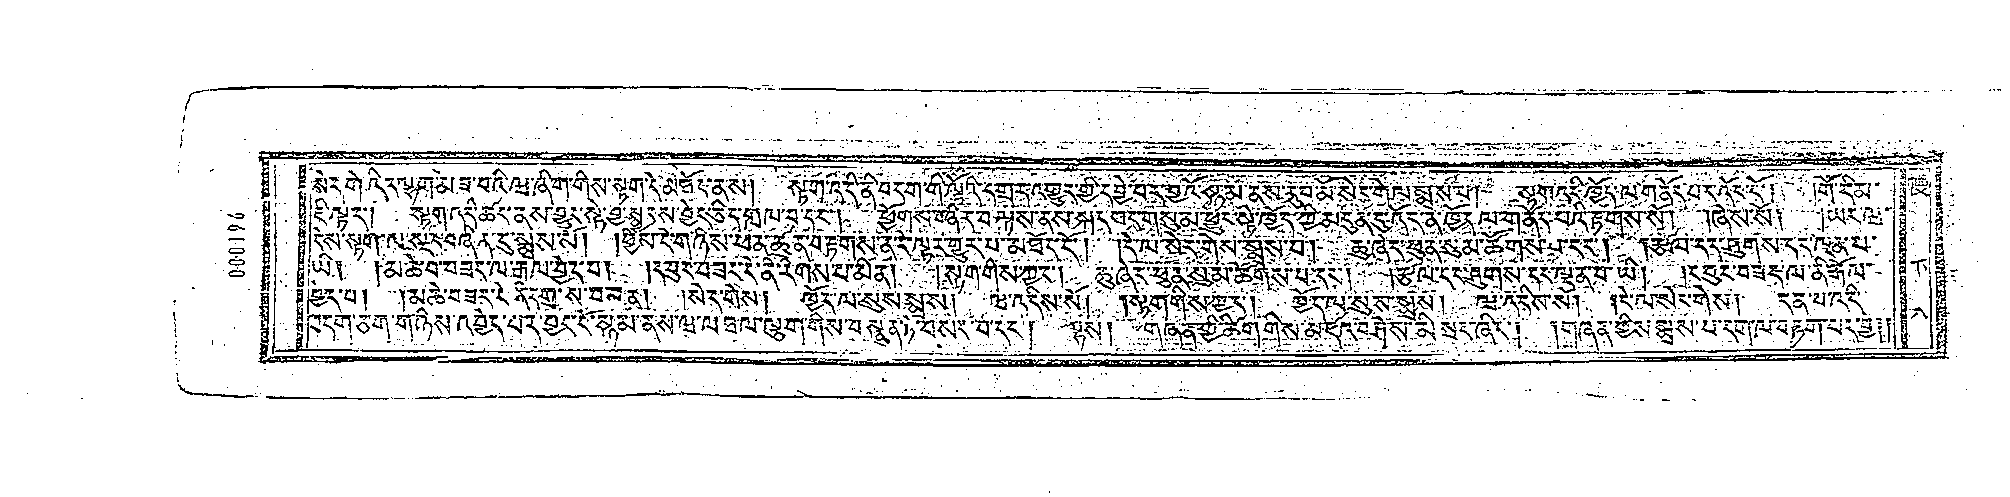སེང་གེ་འདི་ལྷག་མ་ཟ་བའི་ཝ་ཞིག་གིས་སྟག་དེ་མཐོང་ནས། སྟག་འདི་ནི་བདག་གི་ལྟོའི་དགྲར་འགྱུར་གྱི་དབྱེ་བར་བྱའོ་སྙམ་ནས་ནུབ་མོ་སེང་གེ་ལ་སྨྲས་པ། སྟག་འདི་ཁྱོད་ལ་གནོད་པར་འོད་དོ། །གོ་རིམ་
ཇི་ལྟར། སྟག་འདི་ཚང་ནས་བྱུང་སྟེ་བྱ་སྨྱངས་བྱེད་ཅིང་གླལ་བ་དང་། ཕྱོགས་བཞིར་བལྟས་ནས་སྐད་ཐང་གསུམ་ཕྱུང་སྟེ་ཁྱོད་ཀྱི་མདུན་དུ་འོད་ན་ཁྱོད་ལ་གནོད་པའི་རྟགས་སོ། །ཞེས་སོ། །ཡང་ཝ་
དེས་སྟག་ལ་སྡང་བཞིན་དུ་སྨྲས་སོ། །ཕྱིས་དེ་གཉིས་ཕན་ཚུན་བརྟགས་ན་དེ་ལྟར་གྱུར་པ་མཐོང་ངོ། །དེ་ལ་སེང་གེས་སྨྲས་པ། ཆུ་ཞིང་ཕུན་སུམ་ཚོགས་པ་དང་། །རྩལ་དད་ཤུགས་དང་ལྡན་པ་
ཡི། །མཆེ་བ་བཟང་ལ་རྒལ་བྱེད་པ། །དཔུང་བཟང་དེ་ནི་རིགས་པ་མིན། །སྟག་གིས་ཀྱང་། ཆུ་ཞིང་ཕུན་སུམ་ཚོགས་པ་དང་། །རྩལ་དང་ཤུགས་དང་ལྡན་པ་ཡི། །དབུང་བཟང་ལ་ནི་རྒོལ་
བྱེད་པ། །མཆེ་བཟང་དེ་ནི་དགྲ་ས་བམ་ན། །སེང་གེས། ཁྱོད་ལ་སུས་སྨྲས། ཝ་འདིས་སོ། །སྟག་གིས་ཀྱང་། ཁྱོད་ལ་སུས་སྨྲས། ཝ་འདིས་སོ། །དེ་ལ་སེང་གེས། ངན་པ་འདི་
བདག་ཅག་གཉིས་འབྱེད་པར་བྱེད་དོ་སྙམ་ནས་ཝ་ལ་ཐལ་ལྕག་གིས་བསྣུན་ཏེ་བསང་བ་དང་། ལྷས། གཞན་གྱི་ཚིག་གིས་མཛའ་བཤེས་མི་སྲང་ཞིང་། །གཞན་གྱིས་སྨྲས་པ་དག་ལ་བརྟག་པར་བྱ།།